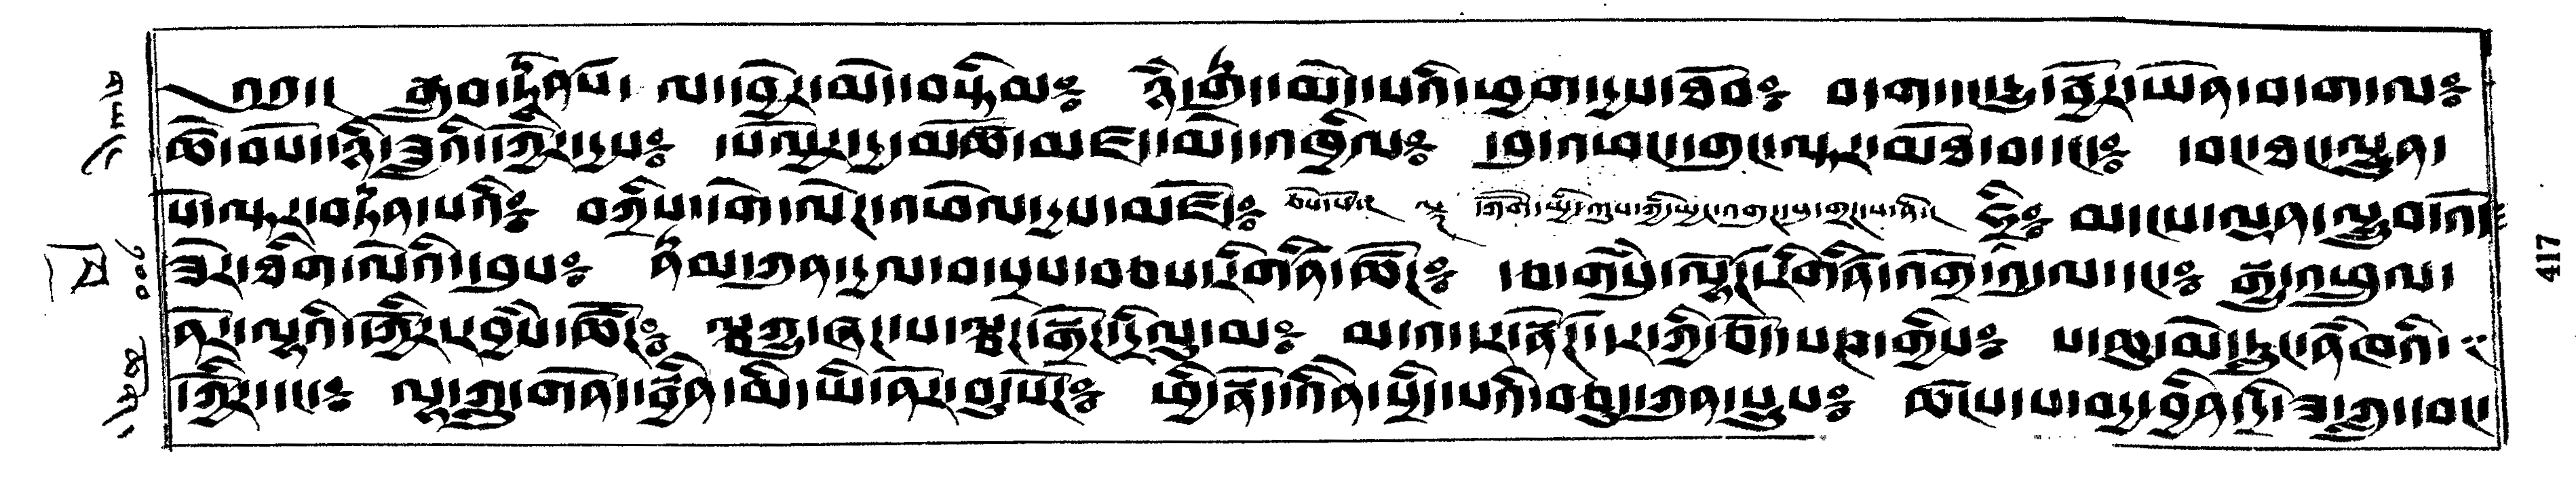སྒྲུབ་རྟེན་རྫས་ལ་དབྱེར་མེད་བསྟིམ༔ ཉམས་རྒུད་མེད་པའི་ཕྱག་རྒྱས་ཐོབ༔ བདག་དང་རྒྱུ་སྦྱོར་ཡོན་བདག་ལ༔ 
ཚེ་བསོད་ཉི་ཟླའི་དཀྱིལ་འཁོར་རྒྱས༔ དཔལ་འབྱོར་རྒྱ་མཚོ་འཛད་མེད་འཁྱིལ༔ དབུ་འཕང་དགུང་ལྟར་མཐོ་བ་དང༔ དབང་ཐང་ལྷུན་
པོ་ལྟར་བརྟན་པའི༔ བཀྲ་ཤིས་དགེ་ལེགས་འཕེལ་རྒྱས་མཛོད༔ ཅེས་སོ། ༈ དཀོན་མཆོག་སྤྱི་འདུས་ཀྱི་གཡང་འགུགས་སུ་གྲགས་པ་ནི། ཧྲཱི༔ མདངས་ལྡན་ལྷུན་གྲུབ་འོད་
ཟེར་ཐིག་ལེའི་དབུས༔ རྣམ་ཀུན་རྒྱལ་བ་སྲས་བཅས་རིག་འཛིན་ཚོགས༔ རྩ་གསུམ་ལྷ་ཚོགས་རིག་འཛིན་འགྲོ་འདུལ་དང༔ སྒྱུ་འཕྲུལ་
ནོར་ལྷའི་དཀྱིལ་འཁོར་རབ་འབྱམས་ཚོགས༔ ལྕགས་ཀྱུ་ཞགས་པ་ལྕགས་སྒྲོག་དྲིལ་བུ་མ༔ མདའ་དར་སྣ་ཚོགས་དར་ཀྱི་ཅོད་པན་གྱིས༔ ས་ཆུ་མེ་རླུང་ནམ་མཁའི་
དཀྱིལ་འཁོར་དང༔ ལྷ་ཀླུ་གནོད་སྦྱིན་མི་ཡི་ནོར་བུ་སོགས༔ ཕྱི་སྣོད་འཇིག་རྟེན་སྲིད་པའི་བཅུད་ཀུན་སྡུས༔ ཚངས་པ་བརྒྱ་བྱིན་དྲི་ཟ་ཀླུ་དབང་